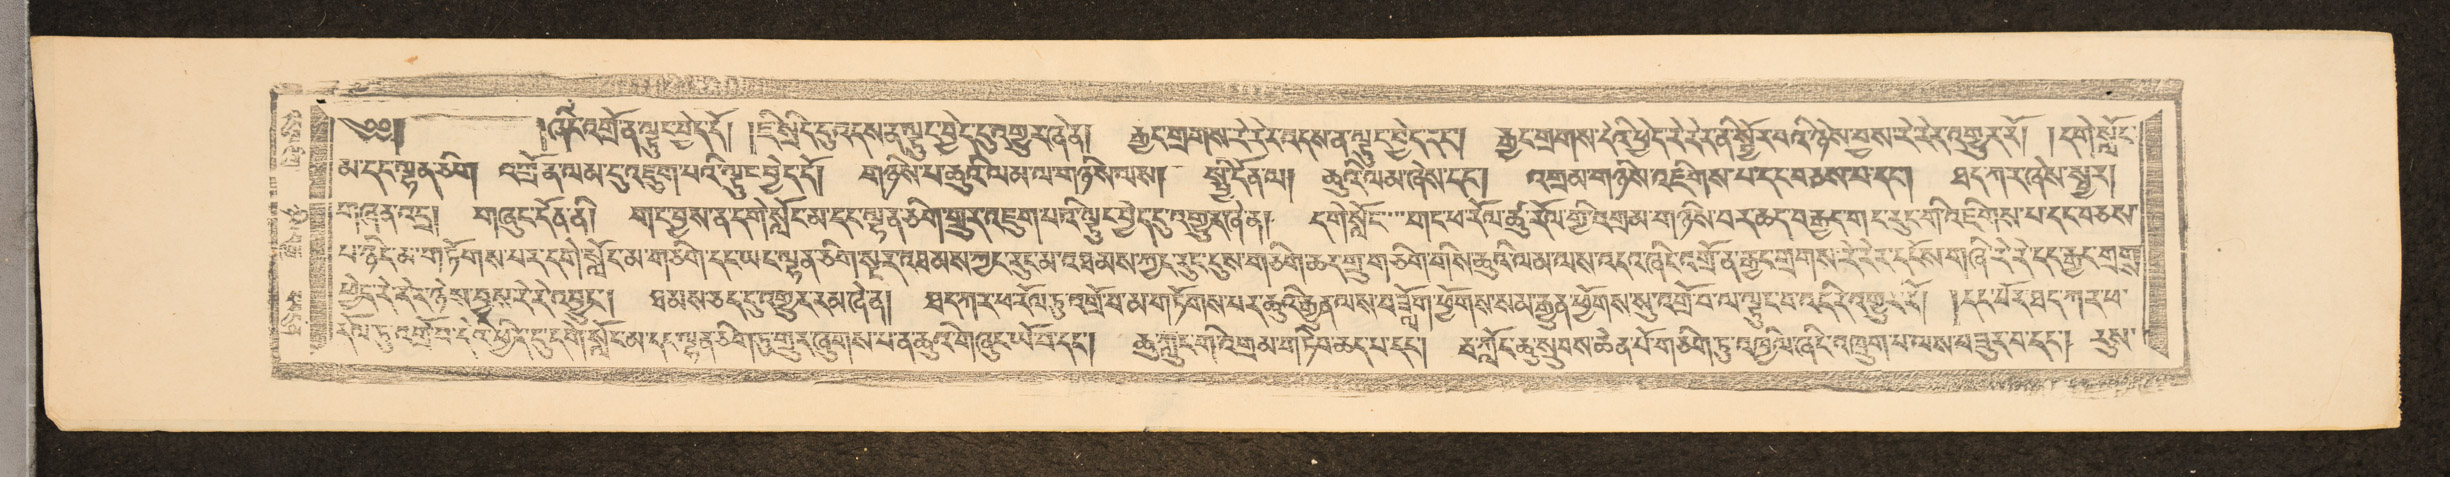༄༅། །ཞིང་འགྲོ་ན་ལྟུང་བྱེད་དོ། །ཇི་སྲིད་དུ་འདས་ན་ལྟུང་བྱེད་དུ་འགྱུར་ཞེ་ན། རྒྱང་གྲགས་རེ་རེར་འདས་ན་ལྟུང་བྱེད་དང་། རྒྱང་གྲགས་དེའི་ཕྱེད་རེ་རེར་ནི་སྦྱོར་བའི་ཉེས་བྱས་རེ་རེར་འགྱུར་རོ། །དགེ་སློང་
མ་དང་ལྷན་ཅིག་འགྲོན་ལམ་དུ་འཇུག་པའི་ལྟུང་བྱེད་དོ། གཉིས་པ་ཆུའི་ལམ་ལ་གཉིས་ལས། སྤྱི་དོན་ལ། ཆུའི་ལམ་ཞེས་དང་།འ་གྲམ་གཉིས་འཇིགས་པ་དང་བཅས་པ་དང་། ཐད་ཀར་ཞེས་སྦྱར།
གཞན་འདྲ། གཞུང་དོན་ནི། གང་བྱས་ན་དགེ་སློང་མ་དང་ལྷན་ཅིག་གྲུར་འཇུག་པའི་ལྟུང་བྱེད་དུ་འགྱུར་ཞེ་ན། དགེ་སློང་གང་ཕ་རོལ་ཚུ་རོལ་གྱི་འགྲམ་གཉིས་བར་ཆད་བརྒྱད་གང་རུང་གི་འཇིགས་པ་དང་བཅས་
པ་ཉིད་མ་གཏོགས་པར་དགེ་སློང་མ་གཅིག་དང་ཡང་ལྷན་ཅིག་སྔར་འཐམས་ཀྱང་རུང་མ་འཐམས་ཀྱང་རུང་དུས་གཅིག་ཆར་གྲུ་གཅིག་གིས་ཆུའི་ལམ་ལས་འདའ་ཞིང་འགྲོ་ན་རྒྱང་གྲགས་རེ་རེར་དངོས་གཞི་རེ་རེ་དང་རྒྱང་གྲགས་
ཕྱེད་རེ་རེར་ཉེས་བྱས་རེ་རེ་འབྱུང་། ཐམས་ཅད་དུ་འགྱུར་རམ་ཞེ་ན། ཐད་ཀར་ཕ་རོལ་ཏུ་འགྲོ་བ་མ་གཏོགས་པར་ཆུའི་རྒྱུན་ལས་བཟློག་ཕྱོགས་སམ་རྒྱུན་ཕྱོགས་སུ་འགྲོ་བ་ལ་ལྟུང་བ་འདིར་འགྱུར་རོ། །དང་པོར་ཐད་ཀར་ཕ་
རོལ་ཏུ་འགྲོ་བ་དེའི་ཕྱིར་དུ་དགེ་སློང་མ་དང་ལྷན་ཅིག་ཏུ་གྲུར་ཞུགས་པ་ན་ཆུའི་གཞུང་ཡོ་བ་དང་། ཆུ་ཀླུང་གི་འགྲམ་གཏིབ་ཆད་པ་དང་། རྦ་ཀློང་ཆུ་སྲུབས་ཆེན་པོ་གཅིག་ཏུ་འཁྱིལ་ཞིང་འཁྲུག་པ་ལས་བཟུར་པ་དང་། རུས་